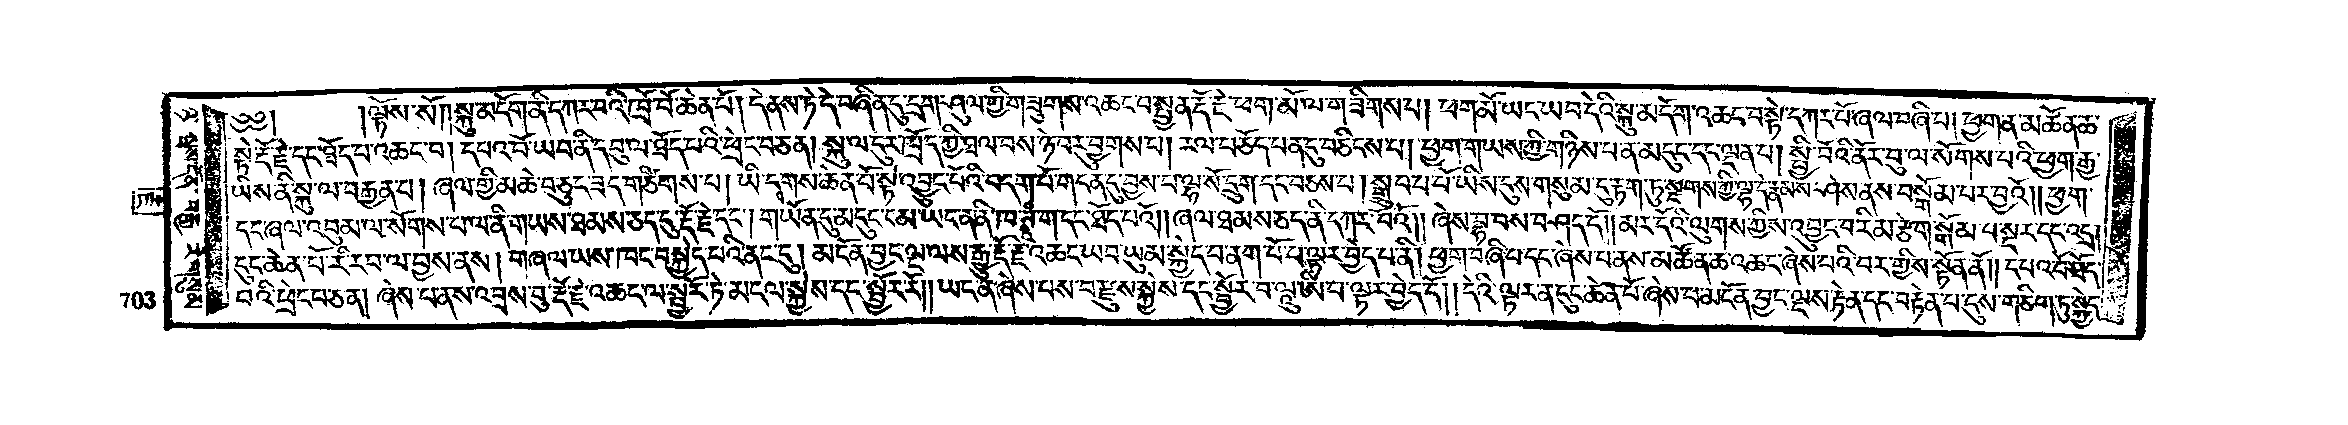༄༅། །ལྟོས་སོ། །སྐུ་མདོག་ནི་དཀར་བའི་ཁྲོ་བོ་ཆེན་པོ། དེ་ནས་ཏེ་དེ་བཞིན་དུ་དྲག་ཤུལ་གྱི་གཟུགས་འཆང་བ་སྤྱན་རྡོ་རྗེ་ཕག་མོ་ལ་གཟིགས་པ། ཕག་མོ་ཡང་ཡབ་དེའི་སྐུ་མདོག་འཆང་བ་སྟེ་དཀར་པོ་ཞལ་བཞི་པ། ཕྱག་ན་མཚོན་ཆ་
སྟེ་རྡོ་རྗེ་དང་ཐོད་པ་འཆང་བ། དཔའ་བོ་ཡབ་ནི་དབུ་ལ་ཐོད་པའི་ཕྲེང་བ་ཅན། སྐུ་ལ་དུར་ཁྲོད་ཀྱི་ཐལ་བས་ཉེ་བར་བྱུགས་པ། རལ་པ་ཅོད་པན་དུ་བཅིངས་པ། ཕྱག་གཡས་ཀྱི་གཉིས་པ་ན་མདུང་དང་ལྡན་པ། སྤྱི་བོའི་ནོར་བུ་ལ་སོགས་པའི་ཕྱག་རྒྱ་
ཡིས་ནི་སྐུ་ལ་བརྒྱན་པ། ཞལ་གྱི་མཆེ་བ་ཅུང་ཟད་གཙིགས་པ། ཡི་དྭགས་ཆེན་པོ་སྟེ་འབྱུང་པོའི་བདག་པོ་གང་ན་དུ་བྱས་པ་ལྷ་སོ་དྲུག་དང་བཅས་པ། སྒྲུབ་པ་པོ་ཡིས་དུས་གསུམ་དུ་རྟག་ཏུ་སྔགས་ཀྱི་ལྷ་དེ་རྣམས་ཤེས་ནས་བསྒོམ་པར་བྱའོ། །ཕྱག་
དང་ཞལ་འབུམ་ལ་སོགས་པ་ལ་ནི་གཡས་ཐམས་ཅད་དུ་རྡོ་རྗེ་དང་། གཡོན་དུ་མདུང་ངམ་ཡང་ན་ནི་ཁ་ཊྭཱཾ་ག་དང་ཐོད་པའོ། །ཞལ་ཐམས་ཅད་ནི་དཀར་བའོ། །ཞེས་བྷ་བས་བཤད་དོ། །མར་དོའི་ལུགས་ཀྱིས་འབྱུང་བ་རིམ་རྩེག་སྒོམ་པ་སྔར་དང་འདྲ།
དུང་ཆེན་པོ་རི་རབ་ལ་བྱས་ནས། གཞལ་ཡས་ཁང་བསྐྱེད་པའི་ནང་དུ། མངོན་བྱང་ལྔ་ལས་རྒྱུ་རྡོ་རྗེ་འཆང་ཡབ་ཡུམ་སྐྱེད་པ་ནག་པོ་པ་ལྟར་བྱེད་པ་ནི། ཕྱག་བཞི་པ་དང་ཞེས་པ་ནས་མཚོན་ཆ་འཆང་ཞེས་པའི་བར་གྱིས་སྟོན་ནོ། །དཔའ་བོ་ཐོད་
པའི་ཕྲེང་བ་ཅན། ཞེས་པ་ནས་འབྲས་བུ་རྡོ་རྗེ་འཆང་ལ་སྦྱོར་ཏེ་མངལ་སྐྱེས་དང་སྦྱོར་རོ། །ཡང་ན་ཞེས་པས་བརྫུས་སྐྱེས་དང་སྦྱོར་བ་ལཱུ་ཨི་པ་ལྟར་བྱེད་དོ། །དེའི་ལྟར་ན་དུང་ཆེན་པོ་ཞེས་པ་མངོན་བྱང་ལྔས་རྟེན་དང་བརྟེན་པ་དུས་གཅིག་ཏུ་སྐྱེད་